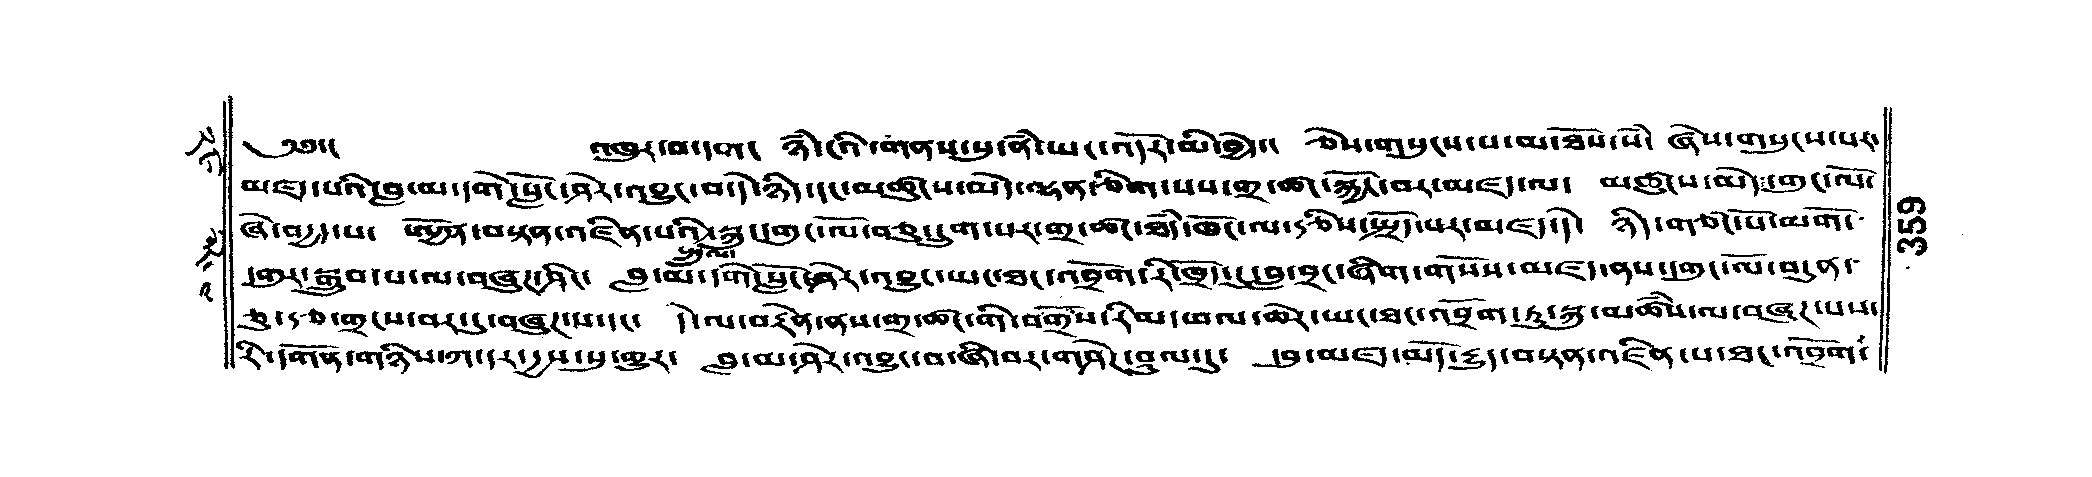འཁུར་བ་དག །ཉམ་ངའི་གནས་སུ་ནམ་ཡང་འདོར་མི་བྱེད། ཅེས་གསུངས་པ་མ་ཐོས་སམ། ཞེས་གསུངས་པར་
མཛད་པའི་བླ་མ་དགེ་སློང་ཤེར་འབྱུང་བ་དེ་ཉིད་དང་མཚུངས་མེད་ལྷན་ཅིག་པས་གྲྭ་ཚང་སྐྱོང་བར་མཛད་ལ། མཚུངས་མེད་དགུང་ལོ་
ཞེ་བརྒྱད་པ། ཨོ་རྒྱན་བསྟན་འཛིན་པའི་སྤྲུལ་སྐུ་དགུང་ལོ་བཅུ་དྲུག་པར་གྲྭ་ཚང་ཐམས་ཅད་ཁོང་ལ་རྩིས་སྤྲོད་པར་མཛད་དེ། ཉིད་གཙང་པོ་མགོ་
དགུར་སྒྲུབ་པ་ལ་བཞུགས་ཤིང་། བླ་མ་དགེ་སློང་ཤེར་འབྱུང་ཡང་ཐང་འབྲོག་རི་ཁྲོད་དུ་བླ་བྲང་ཞིག་གསོས་མཛད་ནས་དགུང་ལོ་བདུན་
ཅུ་རྩ་གྲངས་བར་དུ་བཞུགས་པ་དང་། དེ་ལ་བརྟེན་ནས་གྲྭ་ཚང་གི་བགྲེས་རིམ་ཕལ་ཆེར་ཡང་ཐང་འབྲོག་ཏུ་སྐུ་མཚམས་ལ་བཞུགས་པས་
རི་དགོན་གཉིས་ཀ་དར་རྒྱས་སུ་གྱུར། བླ་མ་ཤེར་འབྱུང་བ་ཞི་བར་གཤེགས་ཤུལ་དུ། དབུ་མཛད་མདོ་རྒྱུད་བསྟན་འཛིན་པ་ཐང་འབྲོག་